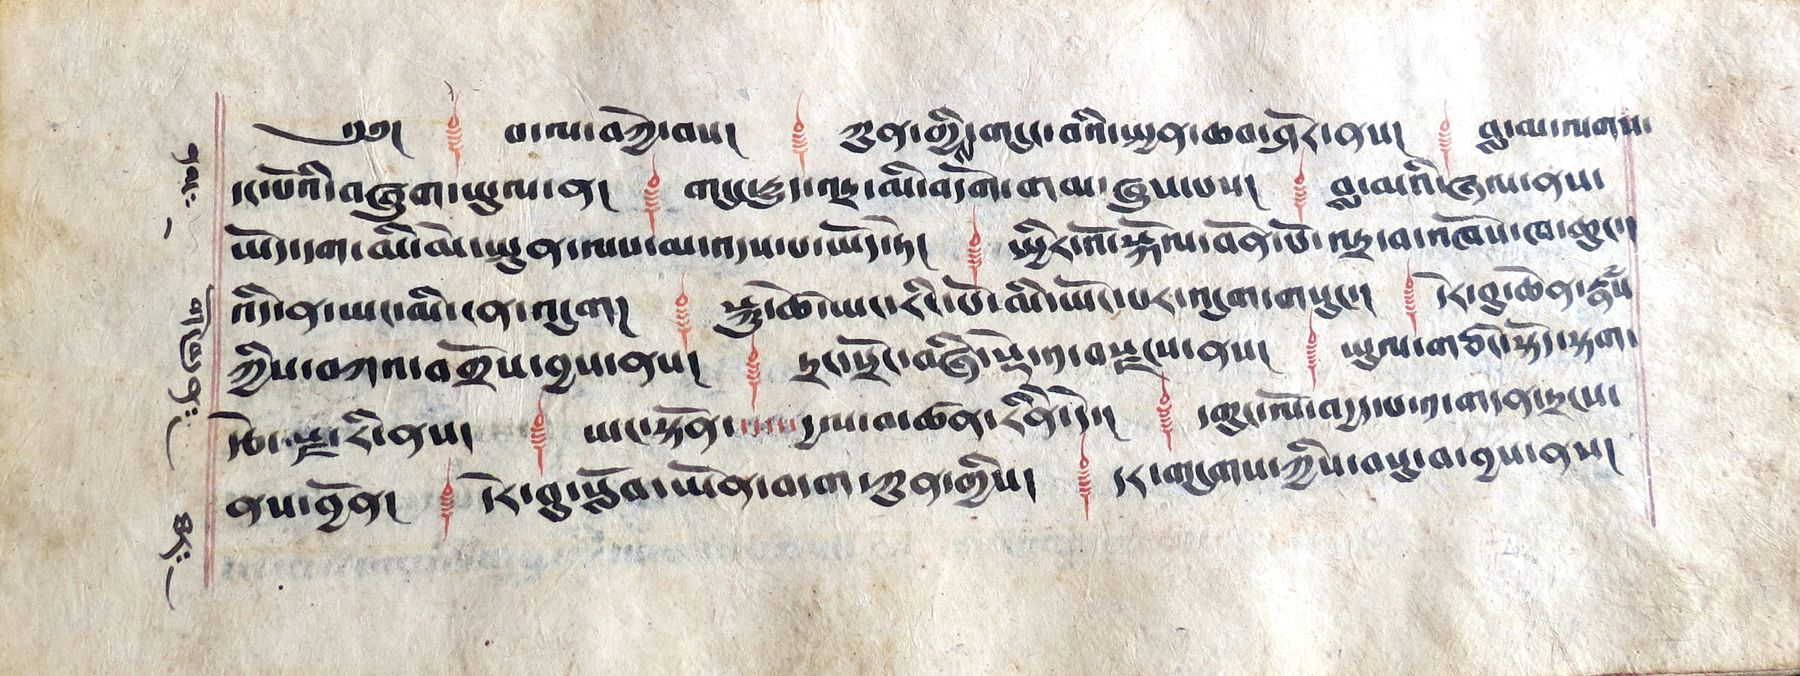བ་ལ་བཀྱེ་བས། ཀུན་གྱིས་སྤྱན་ཆབ་ཤོར་ནས། བླ་མ་ལགས་
དང་པོ་བཞུགས་ཡུལ་ན་གདུང་རྒྱུད་འདྲ་བ་མི་བདོག་གམ་ཞུས་པས། བླ་མའི་ཞལ་ནས་
ཡོད་ཏ་མི་མེ་སྤུན་ལས་མ་འདས་པ་ཡོད་དེ། སྤྱིར་འོ་སྐོལ་བོན་པོ་འདྲ་བ་འཁོས་ཁ་ཆུང་། 
འདི་ན་ཡང་མི་ངན་འདུག་སྐུ་ཚེ་ཡང་རིང་པོ་མི་འོང་པར་འདུག་གསུངས། དེར་བུ་ཆེན་རྣམས་
ཀྱིས་བཀའ་བསྒྲོས་བྱས་ནས་དྲང་སྲོང་བཞི་སྡེ་ཞིག་བརྫོངས་ནས། ཡུལ་གཙང་སྟོད་སྟག་
རྩེའི་རྫ་རི་ན། ཡང་སྟོན་རྒྱལ་མཚན་རིན་ཆེན་དེ། དགུང་ལོ་བརྒྱད་པ་ཞིག་གདན་དྲངས་
ནས་བྱོན། དེར་བུ་སློབ་ཡོན་བདག་ཀུན་ཀྱིས་དར་གདུགས་ཀྱིས་བསུ་བ་བྱས་ནས།